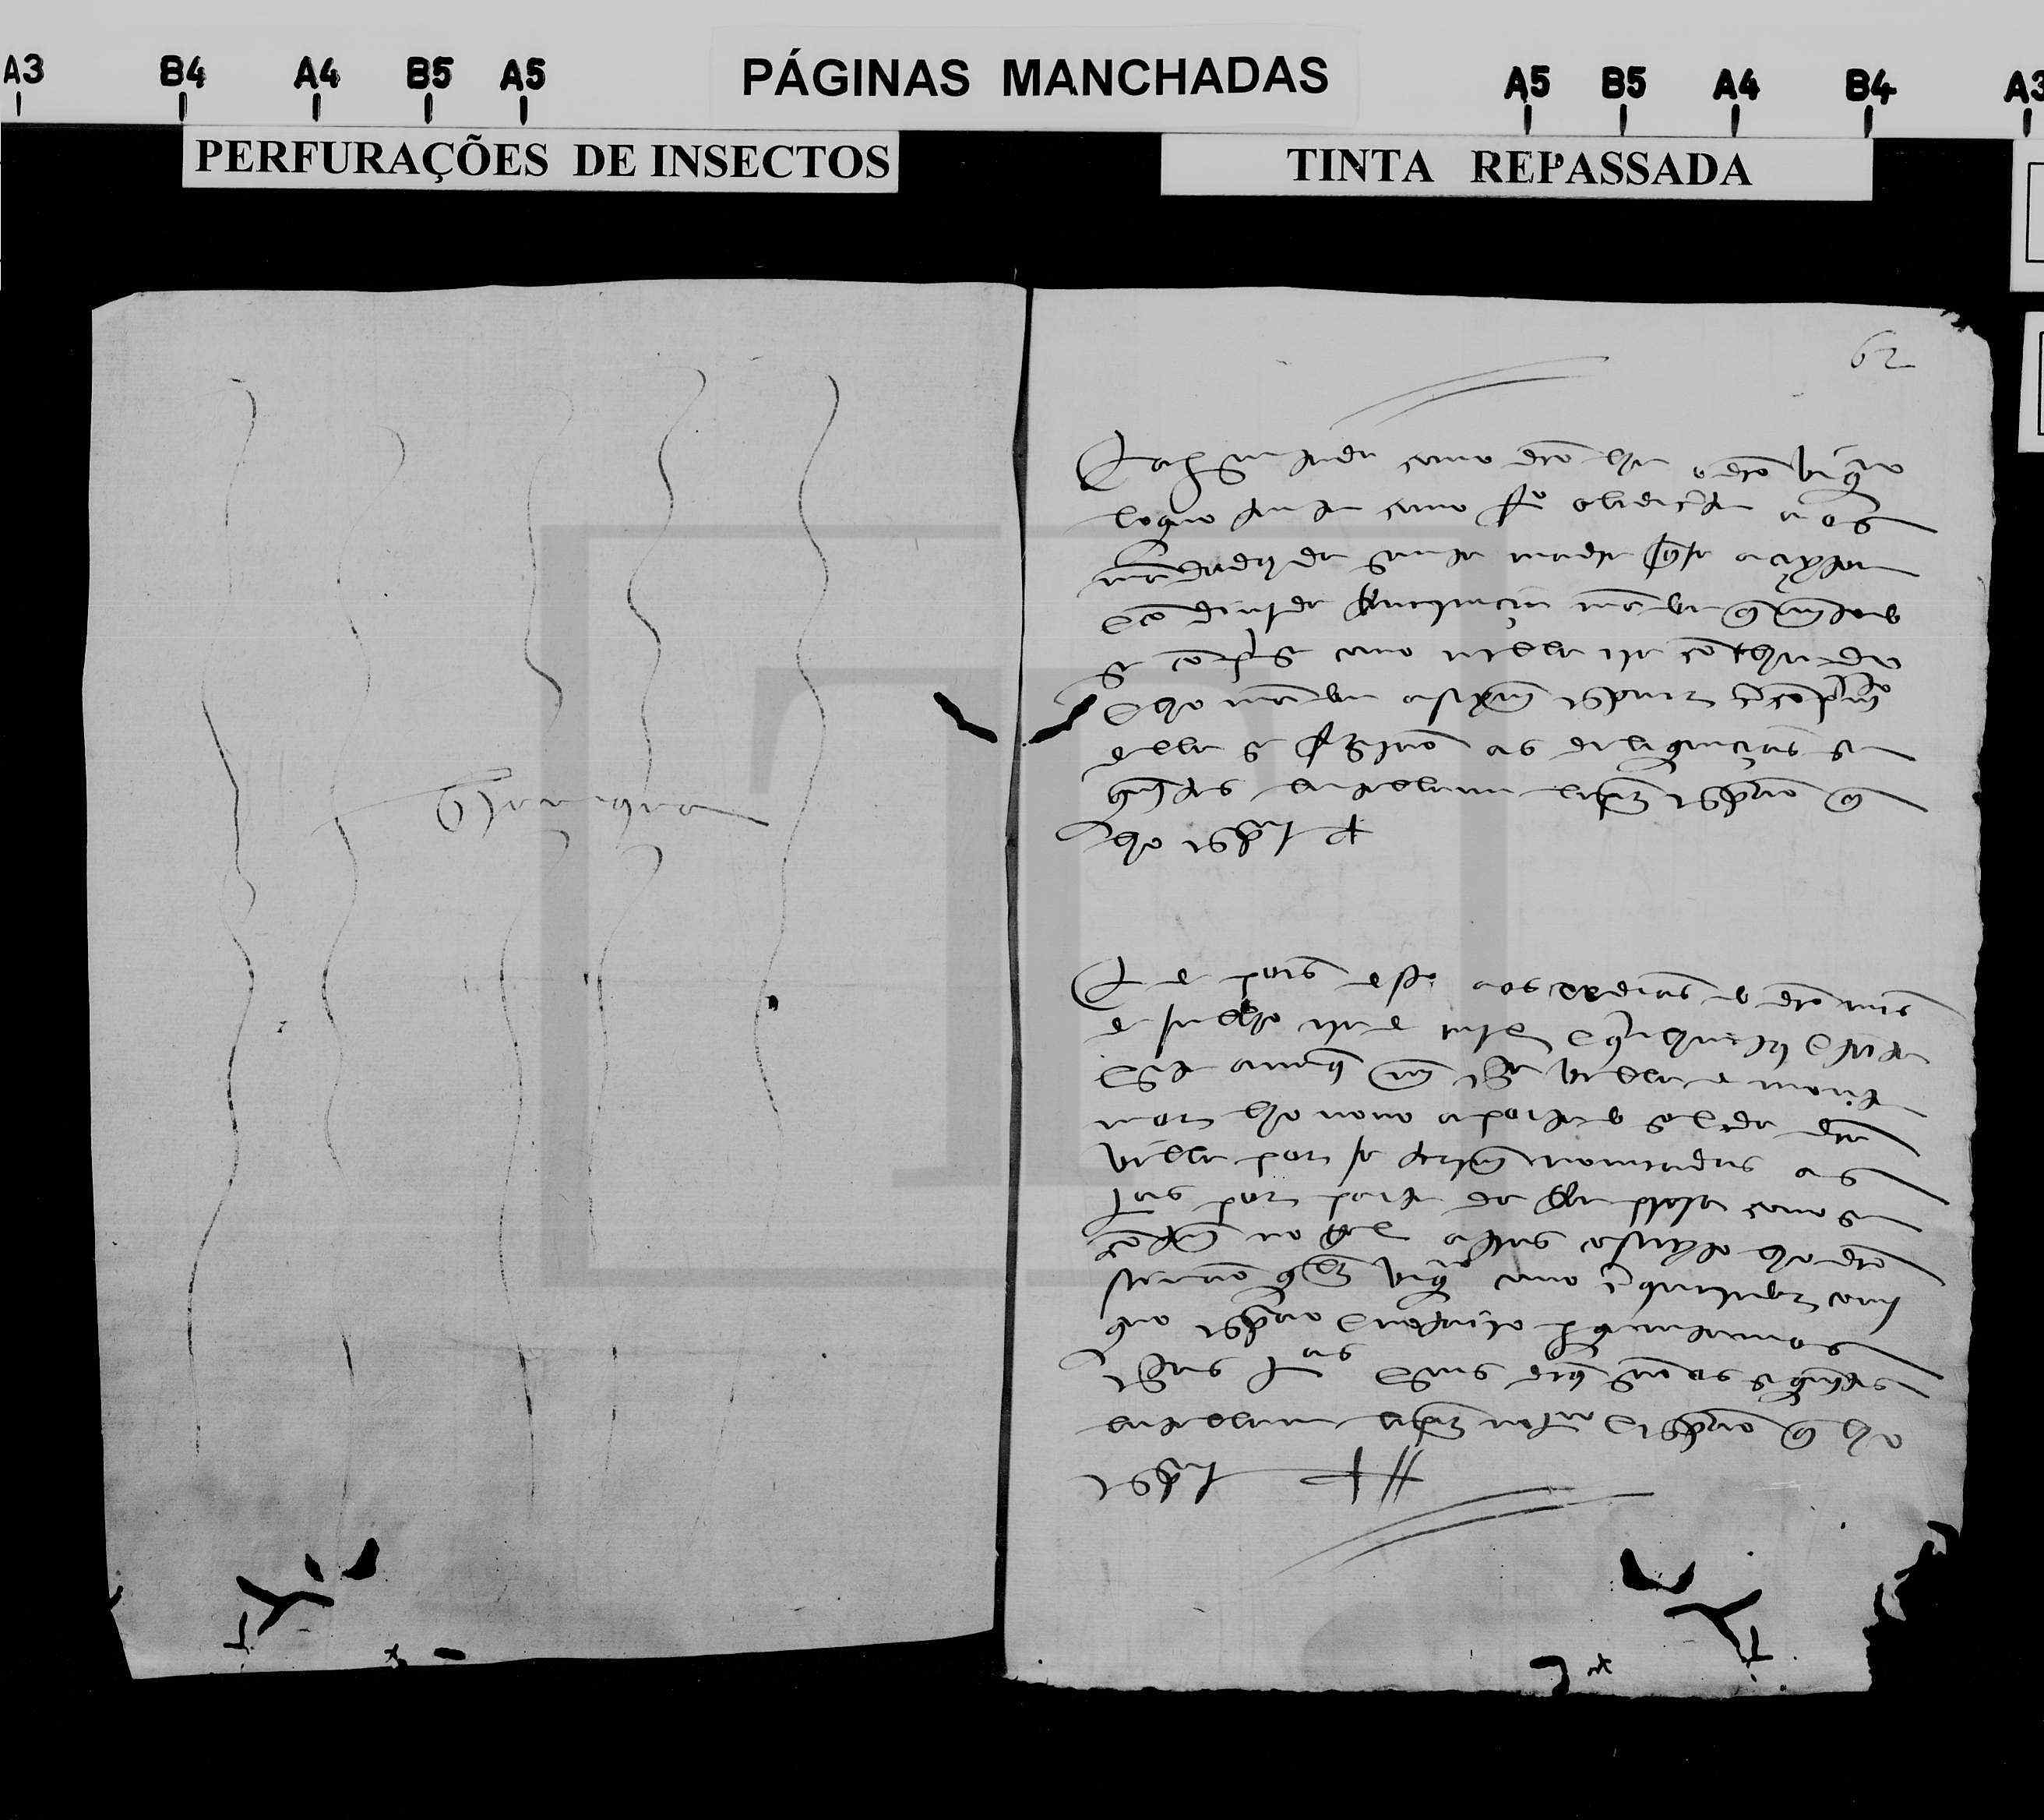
bramqua
62
E aꝑsentada como dīo he o dīo vigro
loguo tente como fo obediēte aos
mādadꝯ da santa madre Jḡja aceytou
e c̄o diujda Reuerencia mādou q̄ em todo
se c̄op̄ise como nella era c̄otheudo
e ho mādou asym espuer ē c̄op̄imto
della se fezeraõ as deligencias se
ḡujtes bertollameu lopez esp̄ão q̄
ho esp̄uj
E depois desto aos xx dias do dīo mes
de Julho era de mjl e qinhetꝯ e trīta
e sete annꝯ em esta villa de monte
mor ho nouo a porta do sol da dīa
villa por Ja teerem nomeadas as
tas por parte da Ree presa como se
c̄otem no Rol atras coseyto ho dīo
simão gl̄z vigro como ēqueredor comj
guo esp̄ão e notairo ꝑgumtamos
estas tas e seus dīꝯ são os segūjtes
bertollameu lopez notro e esp̄ão q̄ ho
esp̄uj
